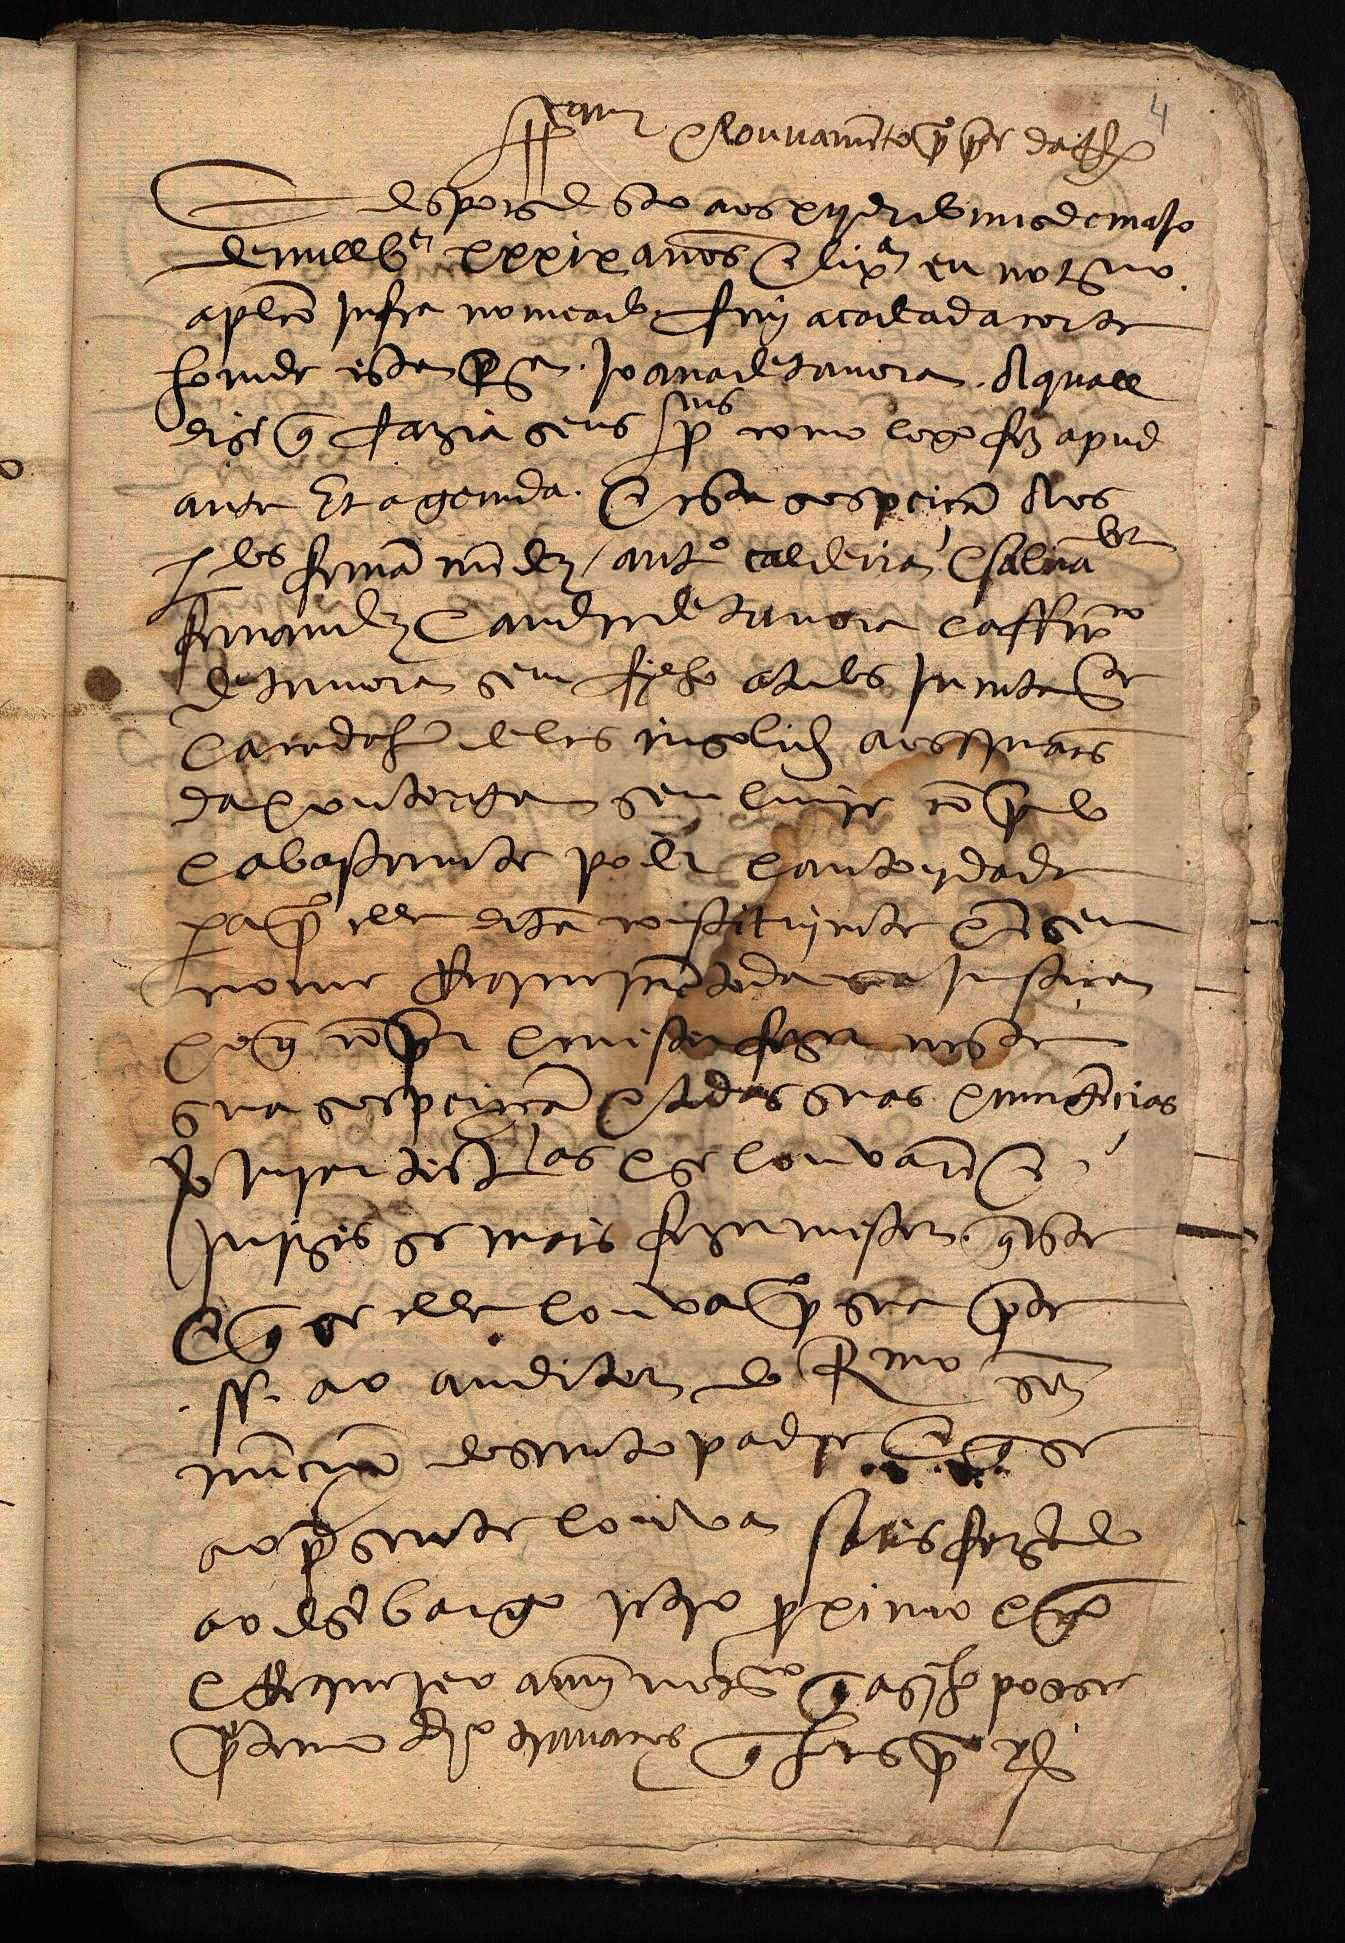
ꝓpçam e louuamēto p̄o p̄te da Rꝭ
E despois desto aos xij di do mes de maJo
de mill bc xxxix anos ē lixa eu notro
apl̄co Jnfra nomeado fuy a cadea da corte
homde esta p̄sa. Joana de tauora. A quall
dise q̄ fazia seus ꝓres como logo fez apud
ante Et agemda. ē esta sospeiçā Aos
Ldos fernā mēdez / anto caldeira e saluador
fernandez e andre de tauora e a ffrrco
de tauora seu fylho a todos Juntamte
e a cada hū deles in solid aos quaes
da e outorga seu liure c̄op̄do
e abastamte poder e autorjdade
ꝑa p̄o ella dita constitujnte e ē seu
nome Requerē toda sa Justiça
e o q̄ c̄op̄r e mester fezer nesta
sua sospeyaçā e todas suas emergēcias
ꝟ jurar testas e se louvarē ē
Jujzes se mais fezer mester q̄ este
ē q̄ se ella louva p̄o sua p̄te
.ss. ao auditor do Rmo s̄or
nūcyo do santo padre ē q̄ se
ao p̄sente louva satisfezēdo
ao desēbargo retro ꝓximo e c̄ꝭ
e Requereo a mȳ notro q̄ asj ho posese
p̄o termo djo trauaços q̄ ho esp̄vy
